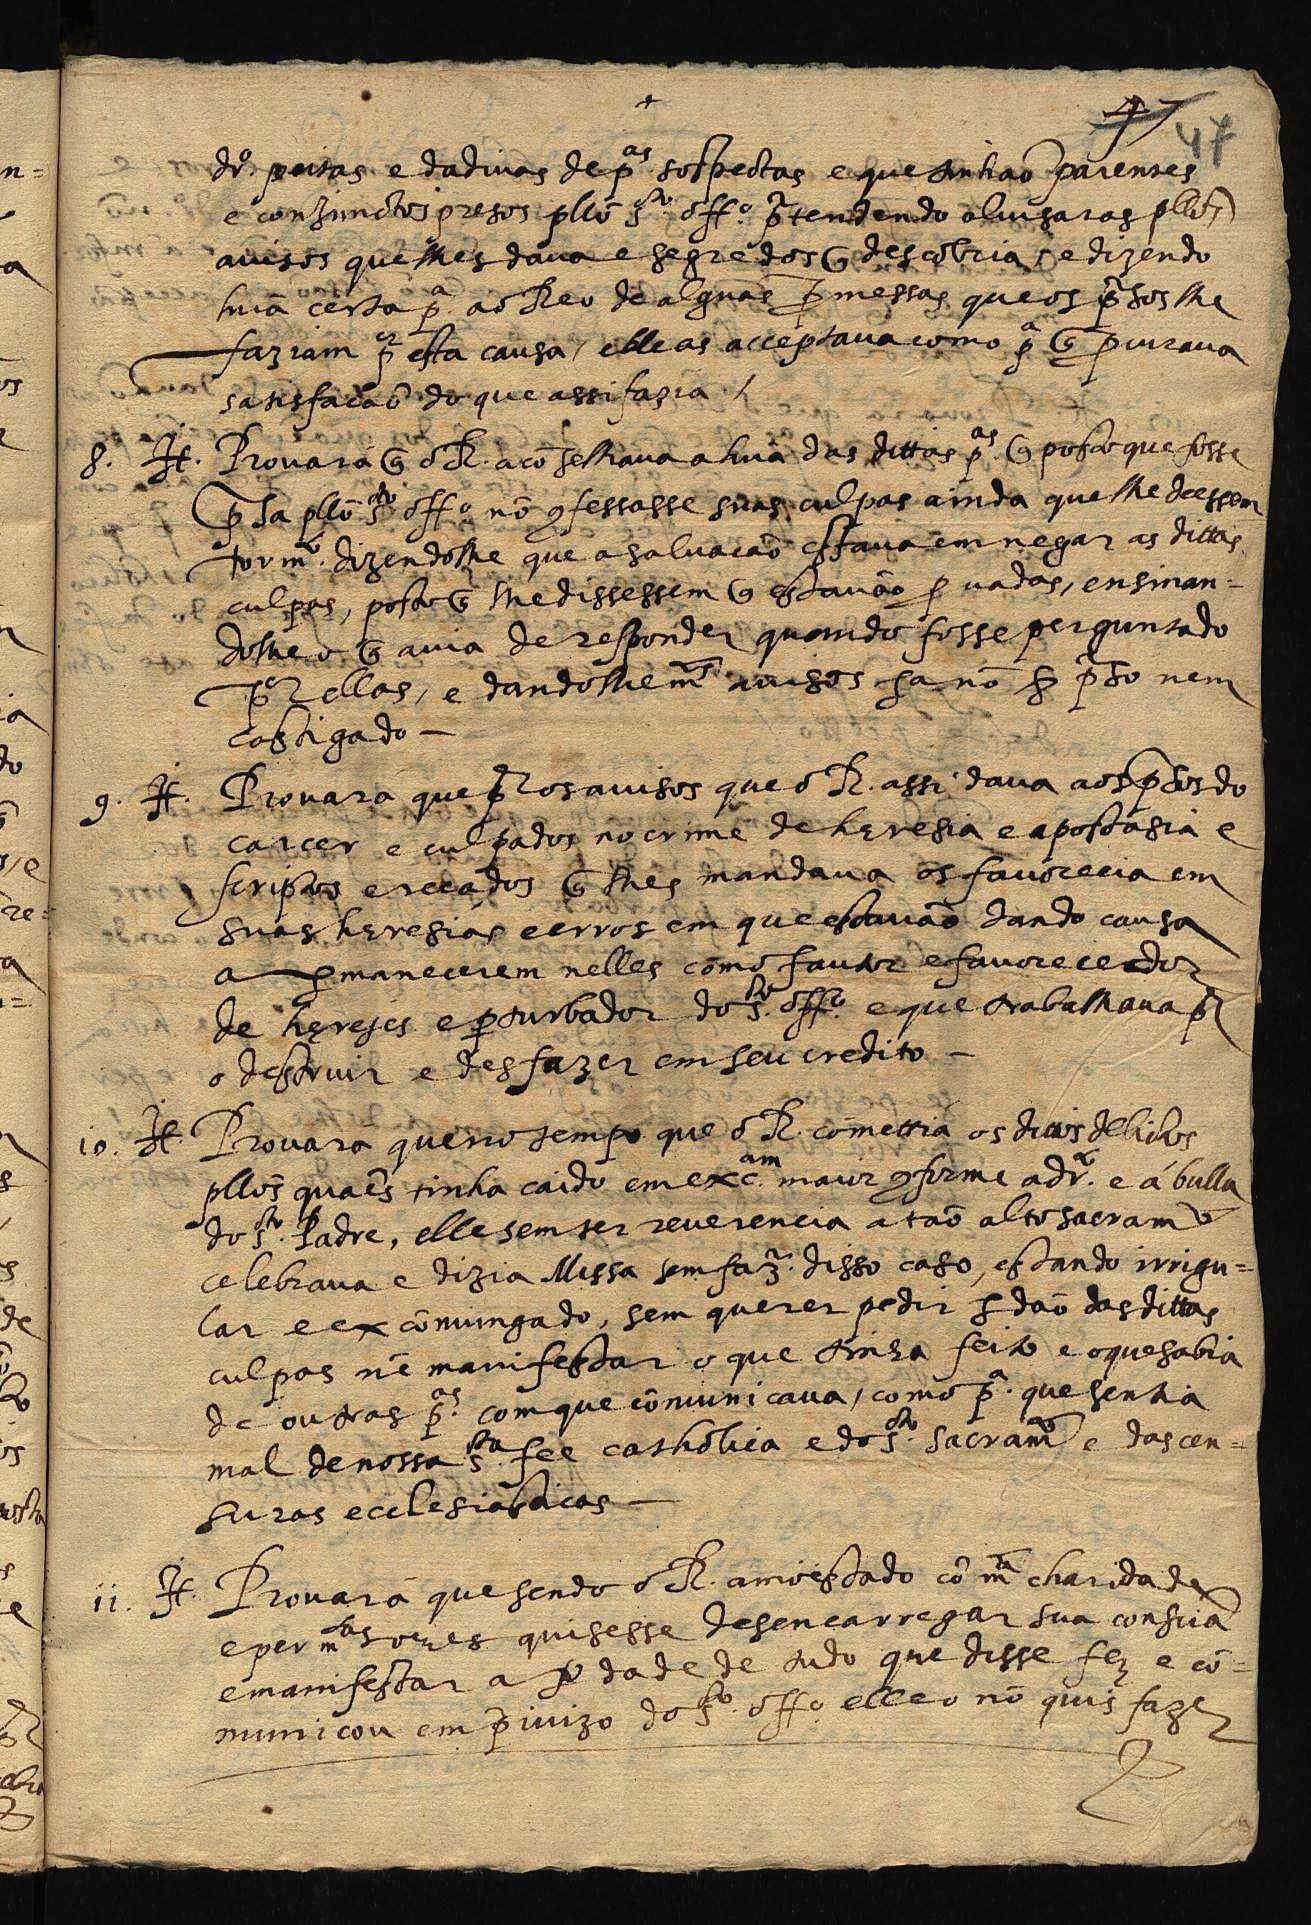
dro. peitas e dadiuas de pas sospectas e que tinhaõ parentes
e conJunctos presos pllō scto. off.o p̄tendendo aluisaras pllos̄
auisos que lhes daua e segredos q̄ descobria e dizendo
huā certa pa ao Reo de alguas̄ ꝓmessas que os p̄sos lhe
faziam por esta causa / elle as acceptaua como pa q̄ ꝓcuraua
satisfaçaõ do que assi fazia ./
8. Jt. Prouara q̄ o R. acōselhaua a huā das dittas pas q̄ posto que fosse
p̄sa pllō sto offo nō ꝯfessasse suas culpas ainda que lhe deessem
tormto. dizendolhe que a saluaçaõ estaua em negar as dittas
culpas, posto q̄ lhe dissessem q̄ estauão ꝓuadas, ensinan
dolhe o q̄ auia de responder quando fosse perguntado
por ellas, e dandolhe mtos auisos ꝑa nō ꞩ p̄so nem
castigado
9. It. Prouara que por os auisos que o R. assi daua aos p̄sos do
carcer e culpados no crime de heresia e apostasia e
scriptos e recados q̄ lhes mandaua os fauorecia em
suas heresias e erros em que estauão dando causa
a ꝑmanecerem nelles como fautor e fauorecedor
de herejes e ꝑturbador do s.to off.o e que trabalhaua pa
o destruir e desfazer em seu credito
10. It. Prouara que no tempo que o R. comettia os dittos delictos
pllos̄ quaēs tinha caido em exc.am maior ꝯforme a drto. e a bulla
do sto. Padre, elle sem ter reuerencia a taõ alto sacramto
celebraua e dizia Missa sem faz̄. disso caso, estando irrigu
lar e excōmungado, sem querer pedir ꝑdaõ das dittas
culpas ne̅ manifestar o que tinha feito e o que sabia
de outras pas. com que cōmunicaua / como pa. que sentia
mal de nossa sta fee catholica e do scto. sacramto e das cen
suras ecclesiasticas
ii. Jt. Prouará que sendo o R. amoestado cō mta charidade
e per mtas vezes quisesse desencarregar sua consciā
e manifestar a ꝟdade de tudo que disse fez e cō
municou em p̄iuizo do sto. offo. elle o nō quis fazer
